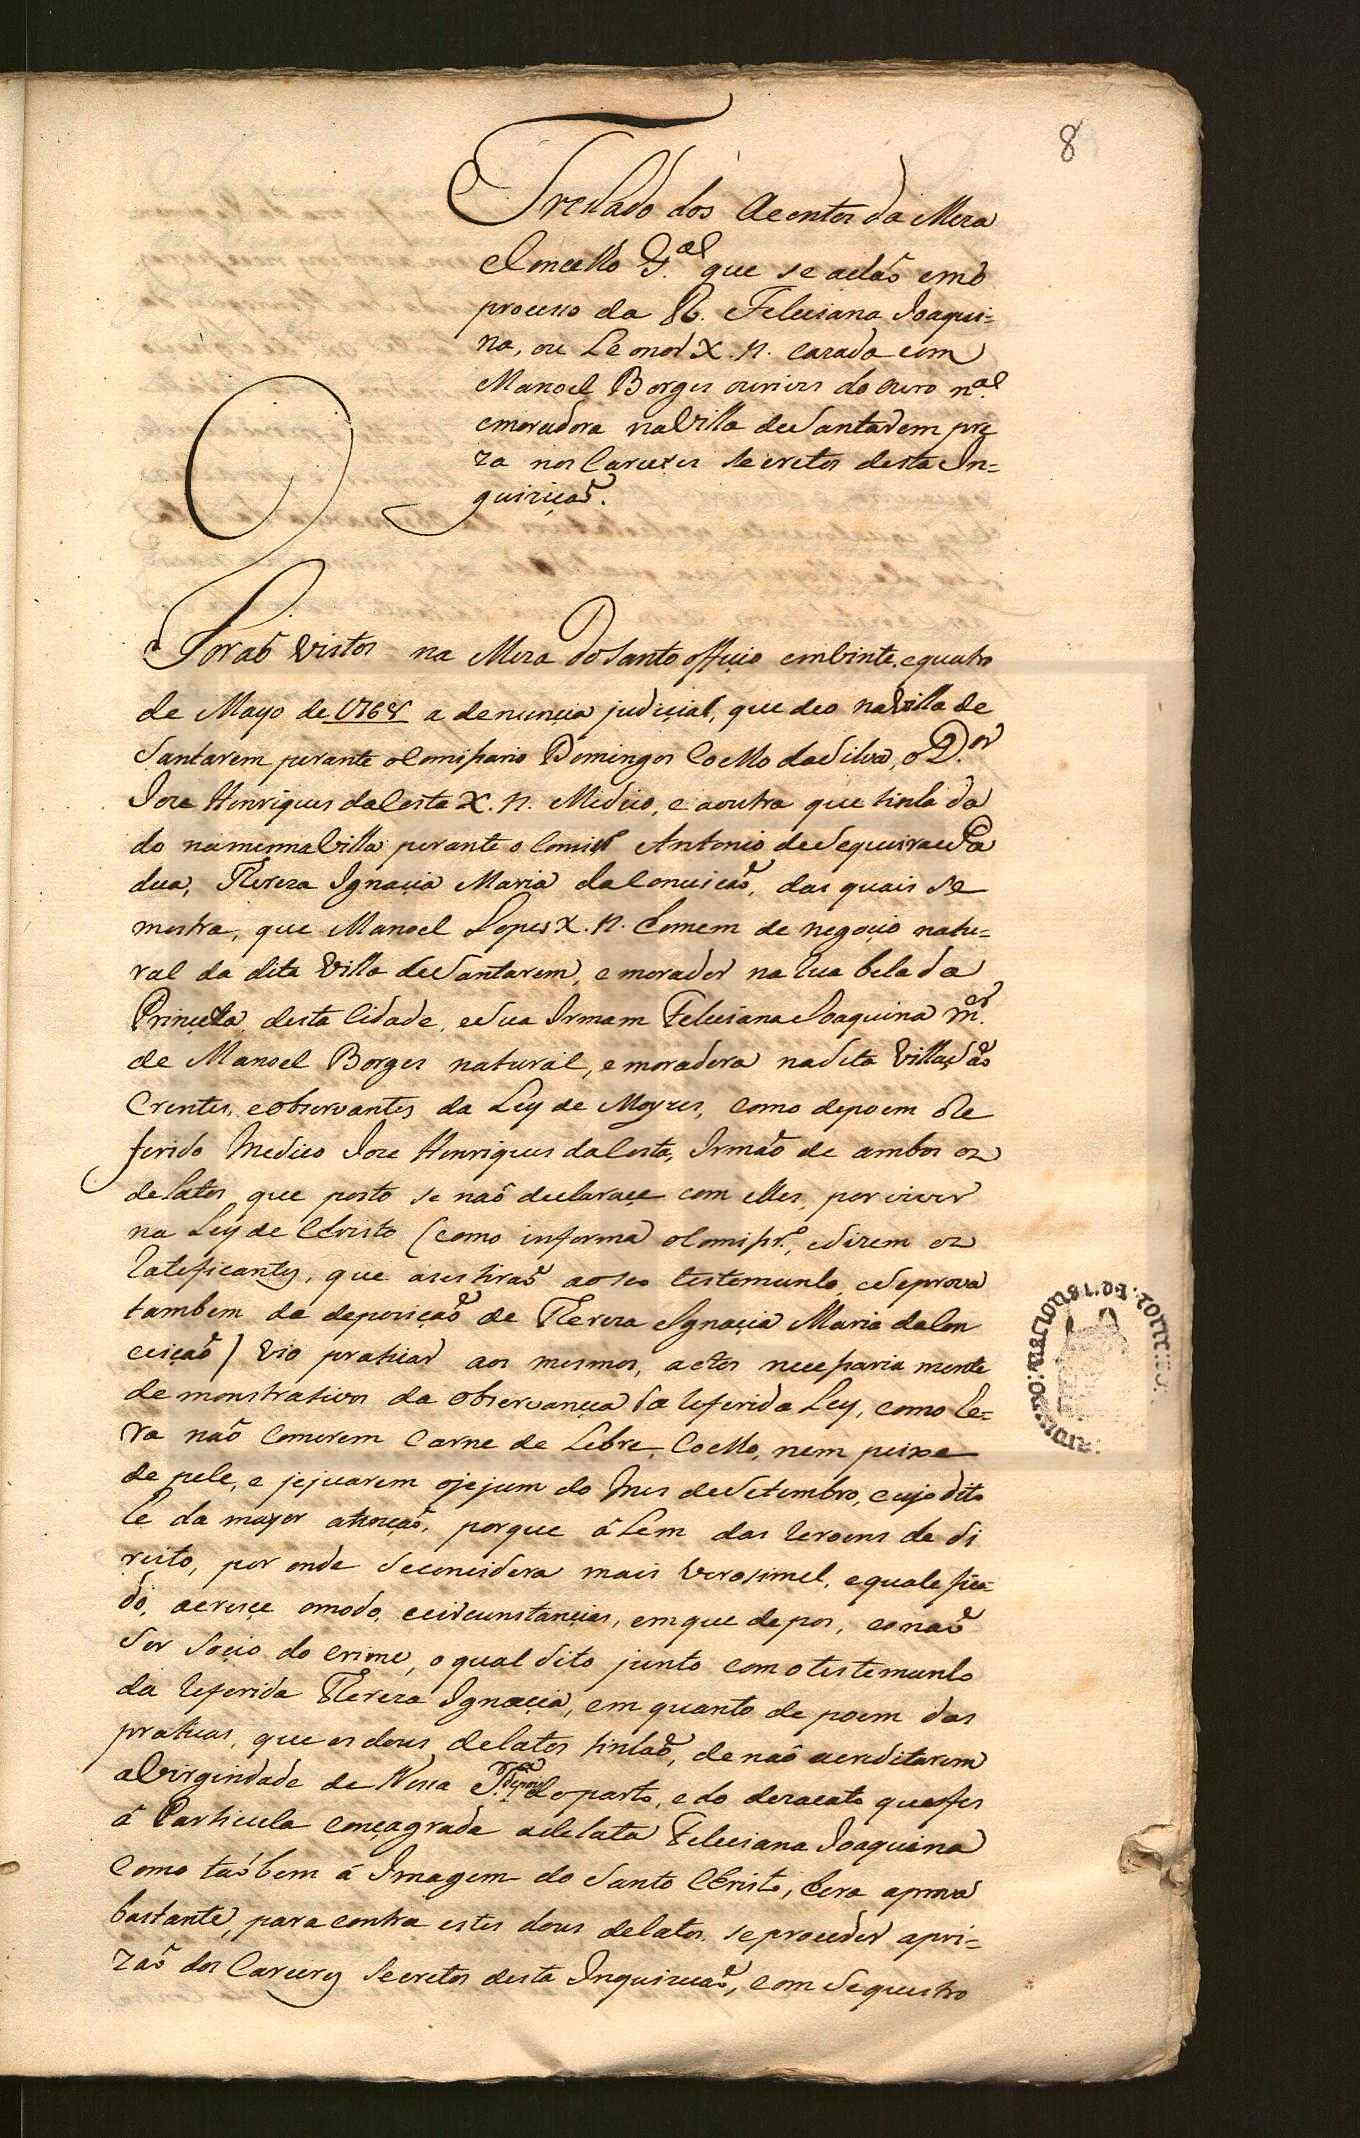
Treslado dos acentos da Meza
e Concelho G.al que se achaõ em o
processo da R. Feleciana Ioaqui
na, ou Leonor x. n. cazada com
Manoel Borges, ouriues do ouro n.al
e moradora na Villa de Santarem pre
za nos Carceres secretos desta In
quiziçaõ.
Foraõ vistos na Meza do Santo officio em vinte e quatro
de Mayo de 1768 a denuncia judicial, que deo na Villa de
Santarem perante o Comissario Domingos Coelho da Silva, o D.or
Ioze Henriques da Costa x. n. Medico, e a outra que tinha da
do na mesma Villa perante o Comisro Antonio de Sequeira e Pa
dua, Thereza Ignacia Maria da Conceiçaõ, das quais se
mostra, que Manoel Lopes x. n. homem de negocio, natu
ral da dita Villa de Santarem, e morador na Rua bela da
Princeza desta Cidade, e Sua Irmam Feleciana Ioaquina m.er
de Manoel Borges natural, e moradora na dita Villa São
crentes, e observantes da Ley de Moyzes, como depoem o Re
ferido medico Ioze Henriques da Costa, Irmaõ de ambos oz
delatos que posto se naõ declarace com elles, por viver
na Ley de Christo (como informa o Comissr.o, e dizem oz
Ratificantes, que asestiraõ ao seo testemunho, e se prova
tambem da depoziçaõ de Thereza Ignacia Maria da Con
ceiçaõ / vio praticar aos mesmos, actos necessariamente
demonstrativos da observançia da Referida Ley, como he
ra naõ comerem carne de Lebre, Coelho, nem peixe
de pele, e jejuarem o jejum do mes de Setembro, cujo dito
he da mayor atençaõ, porque áLem das Rezoens de di
reito, por onde se concidera mais verosimel, e qualefica
do, acresce o modo, e circunstancias, em que depos, e o naõ
ser socio do crime, o qual dito junto com o testemunho
da Referida Thereza Ignacia, emquanto depoem das
praticas, que os dous delatos tinhaõ, de naõ acreditarem
a Virgindade de Nossa S.ra do parto, e do dezacato que fes
á Particula conçagrada a delata Feleciana Ioaquina
como taõbem á Imagem do Santo Christo, hera a prova
bastante, para contra estes dous delatos se proceder a pri
zaõ dos Carceres secretos desta Inquizicaõ, com Sequestro
